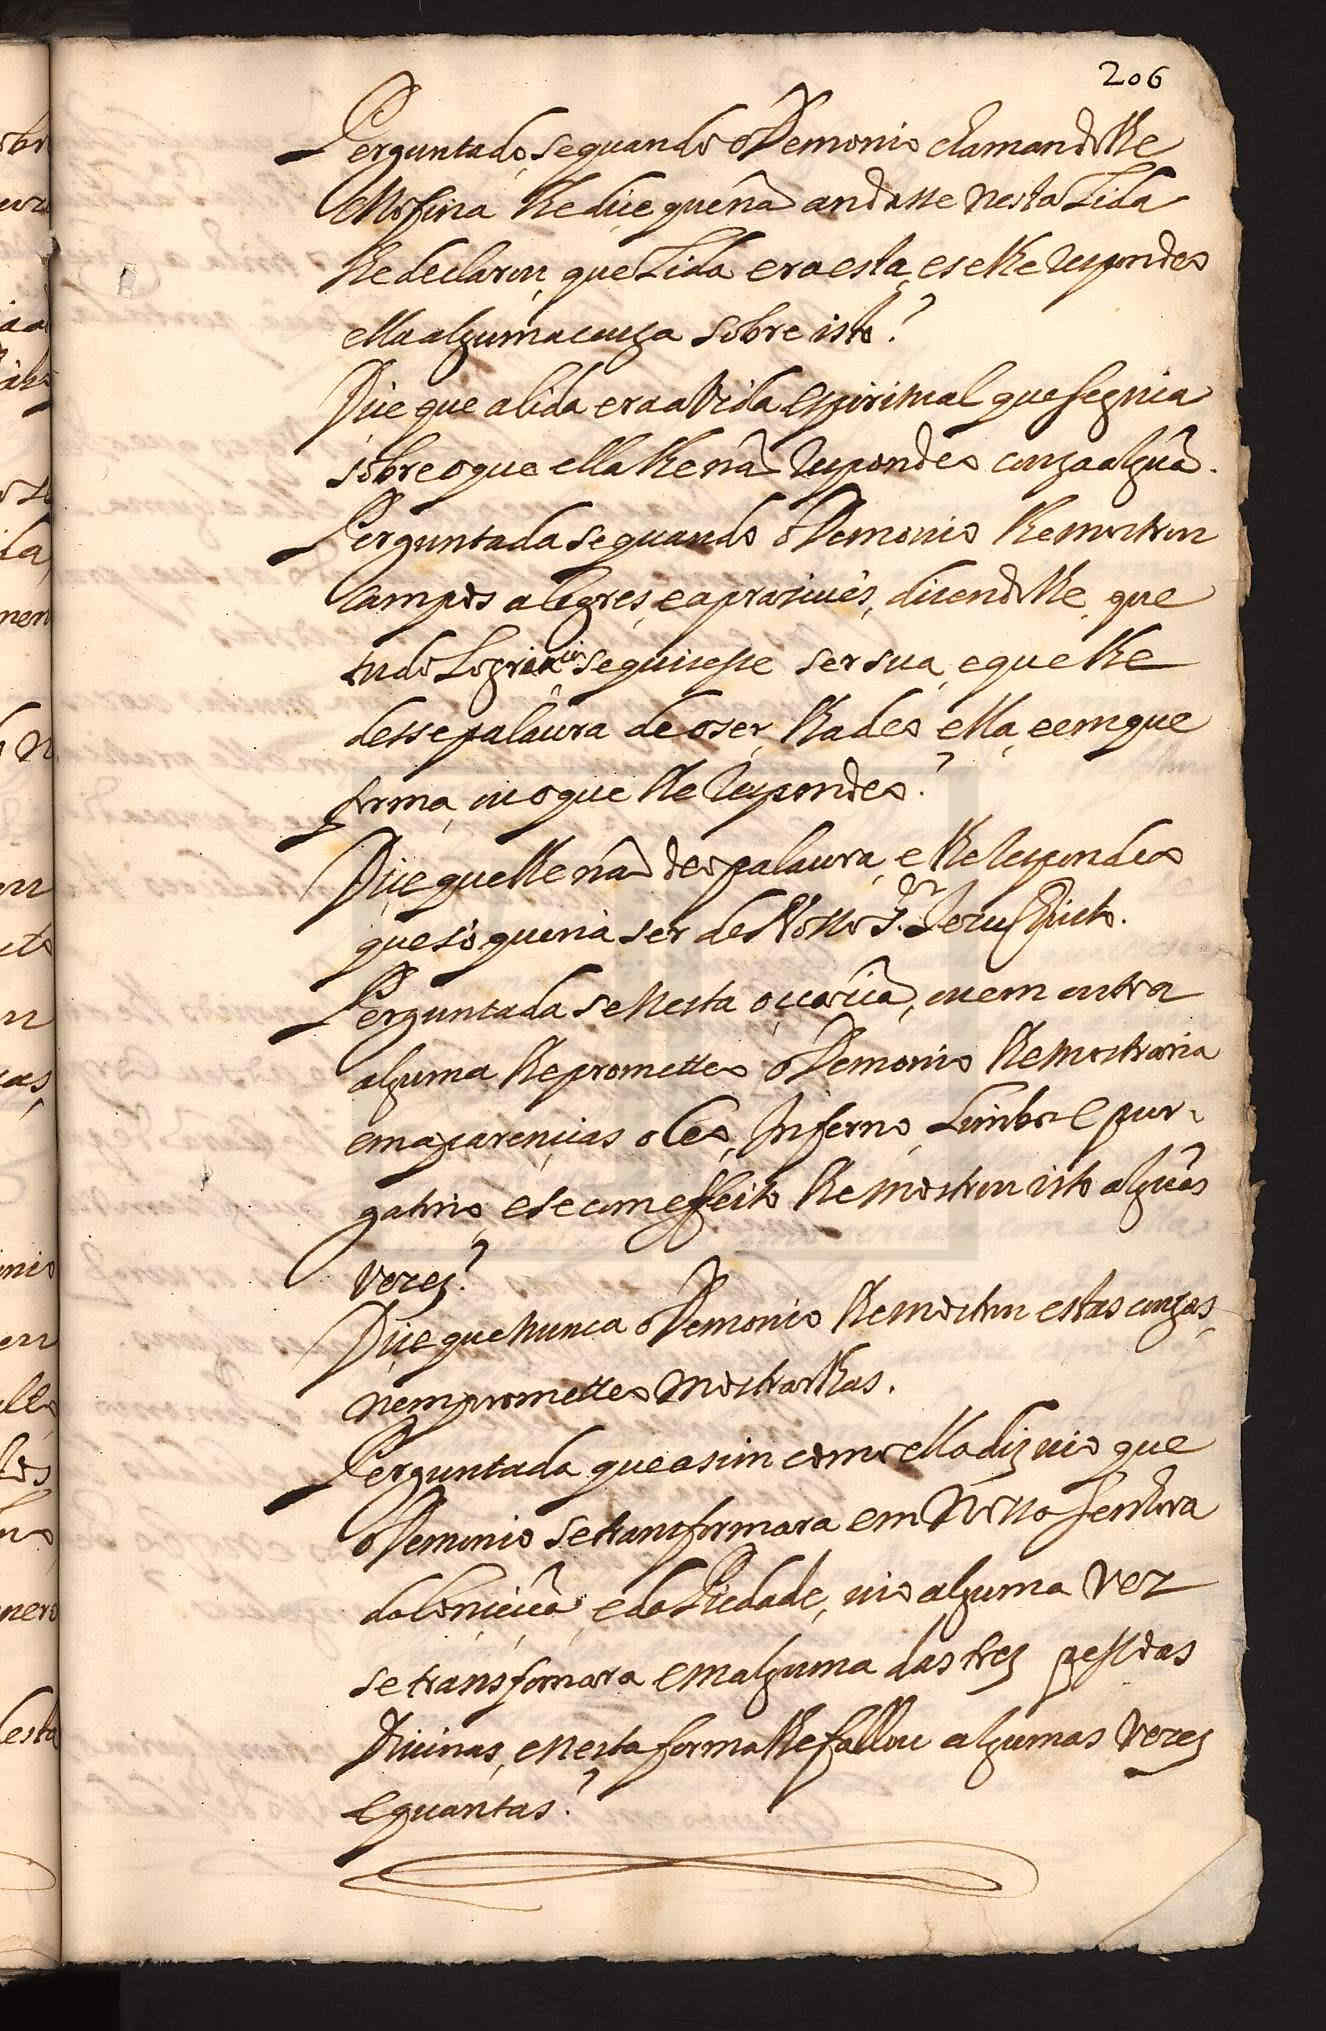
206
Perguntado se quando o Demonio chamandolhe
Mofina lhe dice que naõ andasse nesta Lida
lhe declarou, que Lida era esta, e se lhe Respondeo
ella alguma couza sobre isto?
Dice que a lida era a Vida espiritual que seguia
sobre o que ella lhe não Respondeo couza alguā
Perguntada se quando o Demonio lhe mostrou
campos alegres, e apraziues, dizendolhe, que
tudo Lograria se quizesse ser sua, e que lhe
desse palaura de o ser, lha deo ella, e em que
forma, ou o que lhe Respondeo?
Dice que lhe não deo palaura, e lhe Respondeo
que só queria ser de Nosso s.or Iezu Christo.
Perguntada se nesta occaziā, ou em outra
alguma lhe prometteo o Demonio lhe mostraria
em aparencias o Ceo, Jnferno, Limbo e pur
gatorio, e se com effeito lhe mostrou isto alguās
vezes?
Dice que nunca o Demonio lhe mostrou estas couzas
nem prometteo mostrarlhas.
Perguntada que asim como ella diz uio que
o Demonio se transformara em Nossa Senhora
da Conceiçaõ, e da Piedade, uio alguma vez
se transfomara em alguma das trez pessoas
Diuinas, e nesta forma lhe fallou algumas vezes
e quantas?
